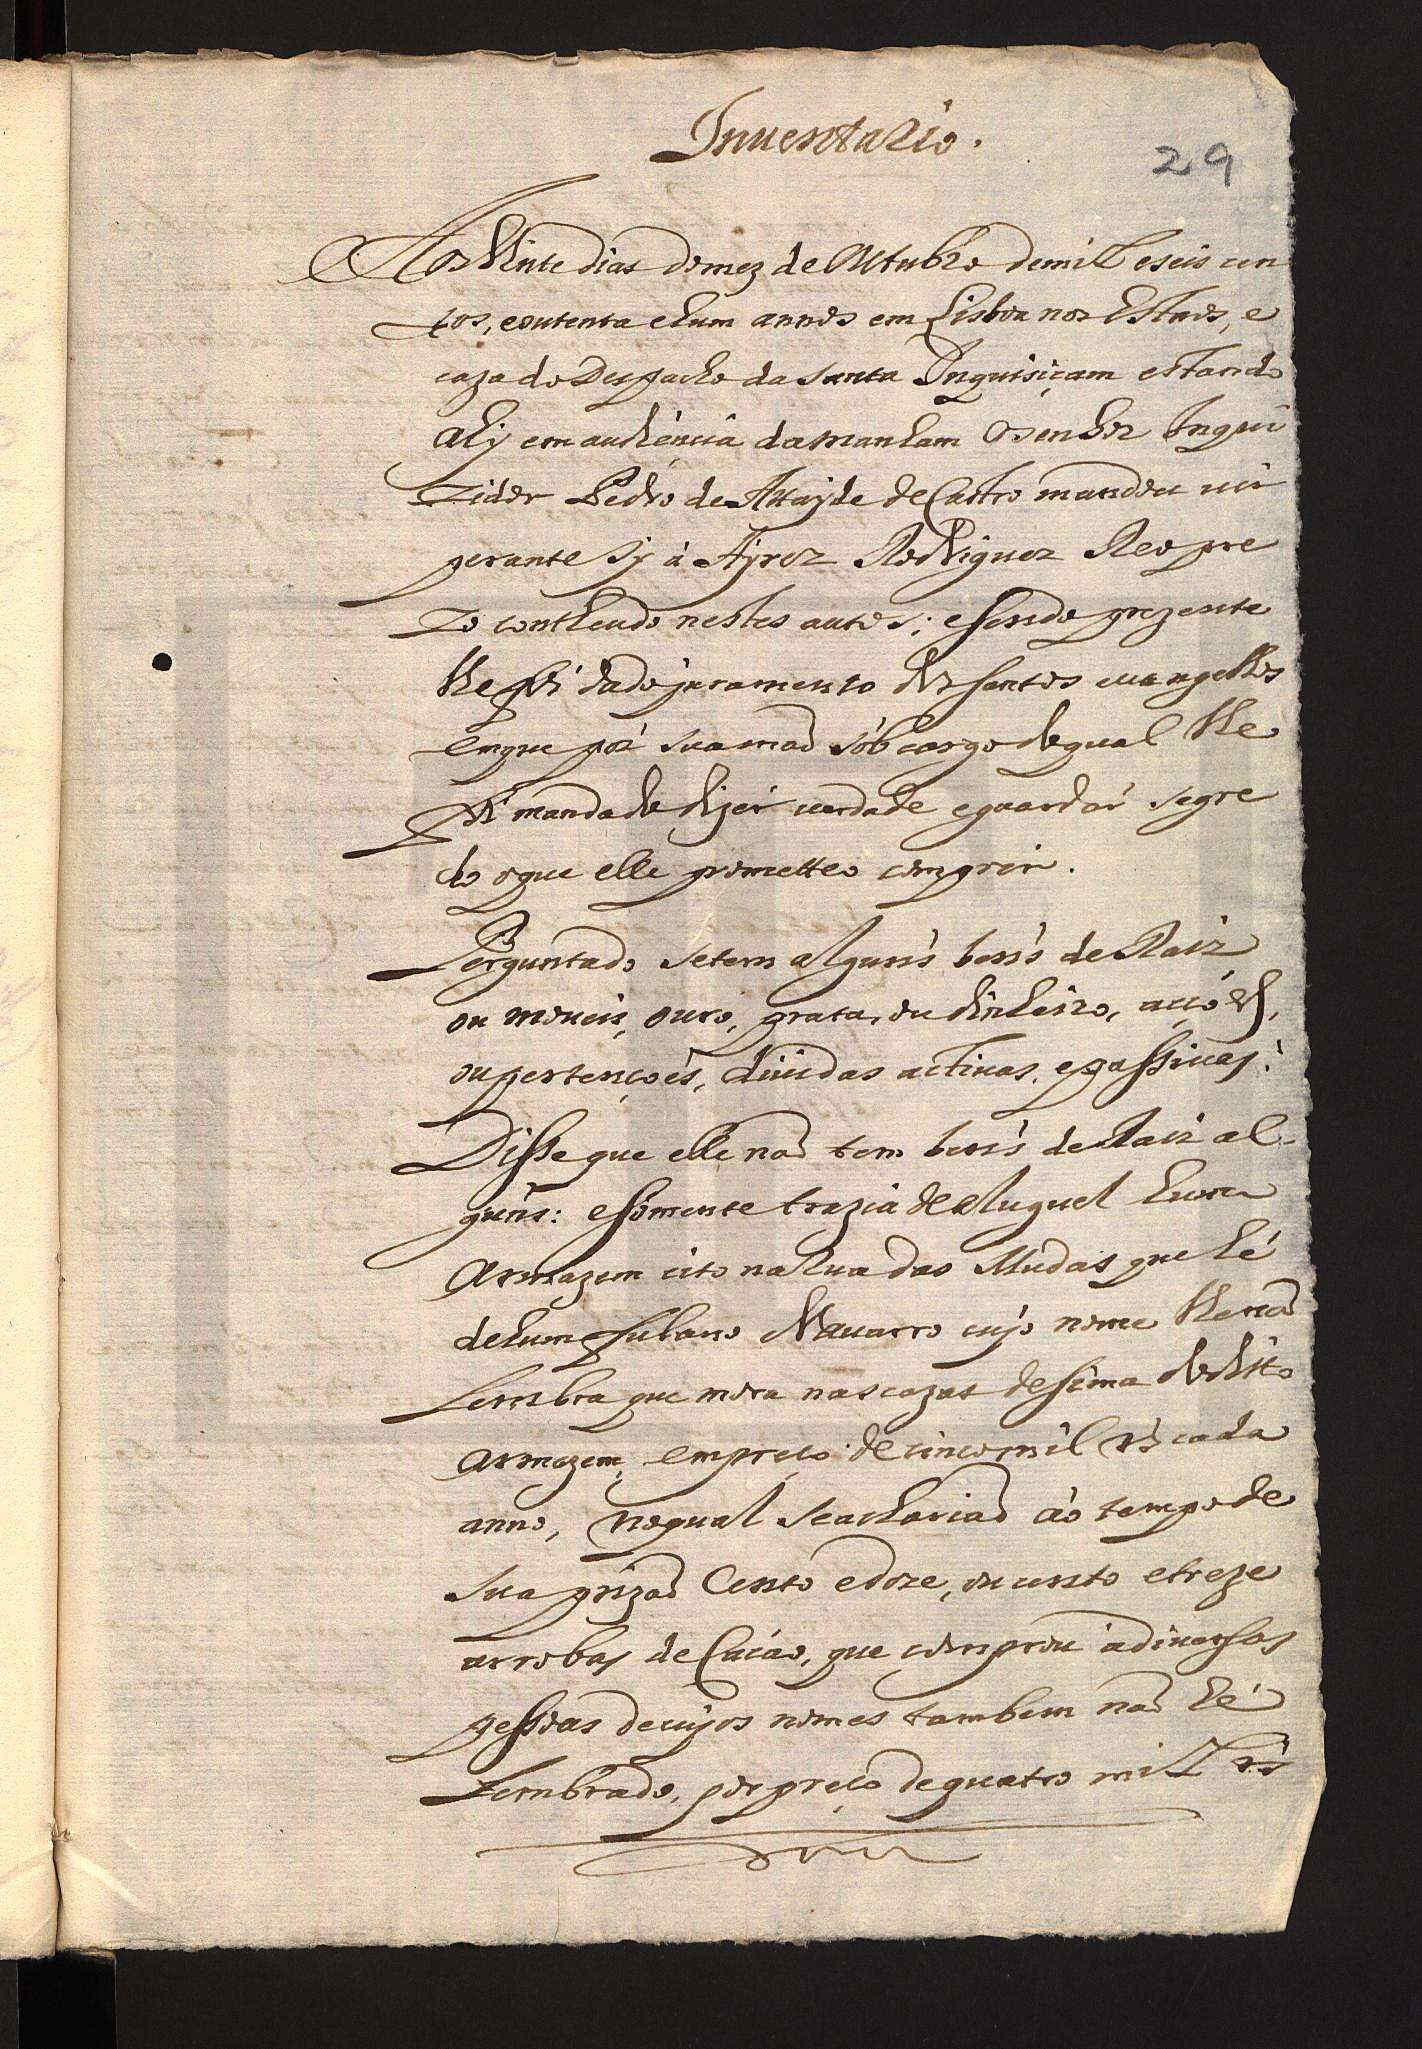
Inuentario.
Aos Vinte dias do mez de Outubro de miL e seiscen
tos, e outenta e hum annos em Lisboa nos Estaos, e
caza do Despacho da santa Inquisiçam estando
ahy em audiençia da manham o senhor Inqui
Zidor Pedro de Attayde de Castro mandou uir
perante sy à Ayres Rodriguez Reo pre
Zo contheudo nestes autos; e sendo prezente
lhe foi dado juramento dos santos euangelhos
em que poz sua maõ sob cargo do qual lhe
foi mandado dizer uerdade e guardar segre
do o que elle prometteo comprir.
Perguntado se tem alguñs beñs de Raiz
ou moueis, ouro, prata, ou dinheiro, acções,
ou pertençoẽs, diuidas actiuas, e passiuas?
Disse que elle naõ tem beñs de Raiz al
guñs: e sómente trazia de aluguel hum
armazem cito na Rua das Mudas que hé
de hum fulano Nauarro cujo nome lhe naõ
Lembra que mora nas cazas de sima do ditto
armazem, em preço de cinco mil rs̄ cada
anno, no qual se acharia ao tempo de
sua prizaõ cento e doze, ou cento e treze
arrobas de Cacáo, que comprou a diuersas
pessoas de cujos nomes tambem naõ hé
Lembrado, por preço de quatro miL rs̄
